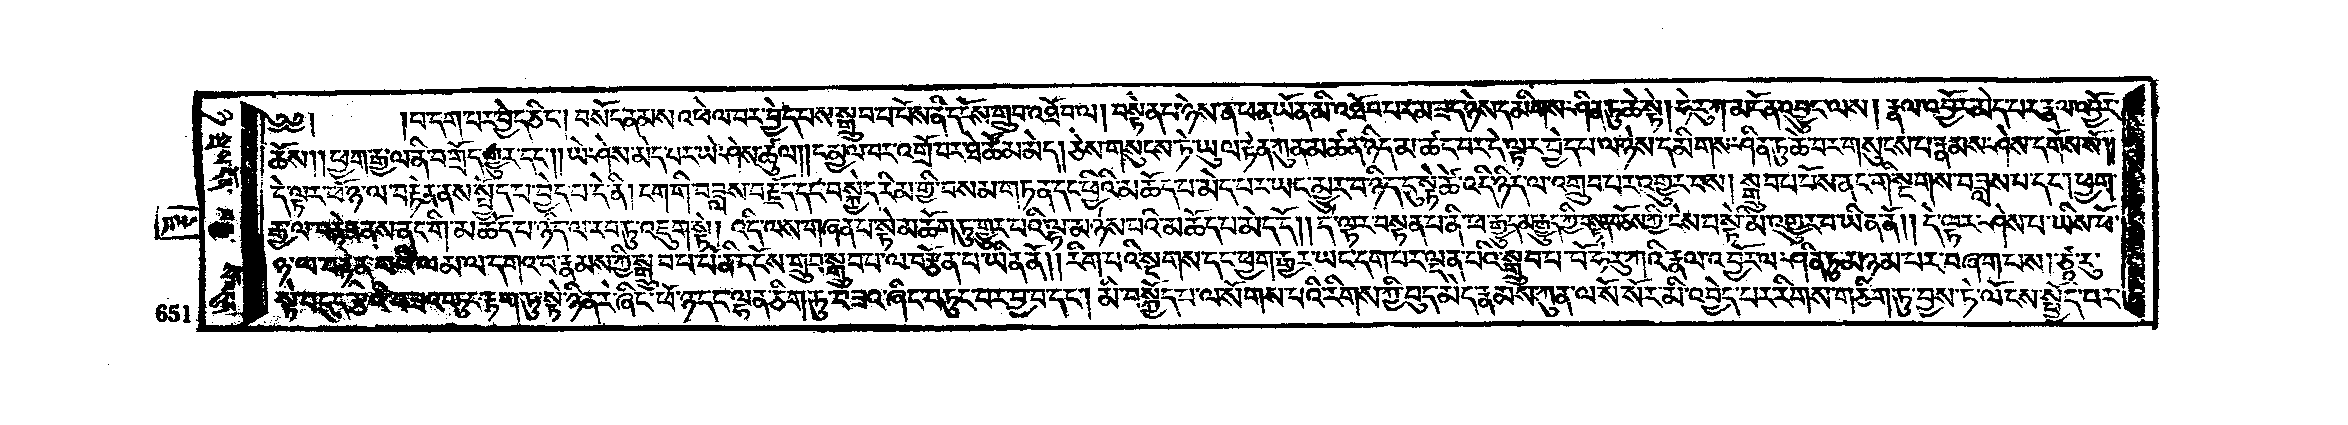༄༅། །པ་དག་པར་བྱེད་ཅིང་། བསོད་ནམས་འཕེལ་བར་བྱེད་པས་སྒྲུབ་པ་པོས་ནི་དངོས་གྲུབ་འཐོབ་ལ། བསྟེན་པ་ཉེས་ན་ཕན་ཡོན་མི་འཐོབ་པར་མ་ཟད་ཉེས་དམིགས་ཤིན་ཏུ་ཆེ་སྟེ། ཧེ་རུ་ཀ་མངོན་འབྱུང་ལས། རྣལ་འབྱོར་མེད་པར་རྣལ་འབྱོར་
ཆོས། །ཕྱག་རྒྱ་ལ་ནི་བགྲོད་གྱུར་དང་། །ཡེ་ཤེས་མེད་པར་ཡེ་ཤེས་ཚུལ། །དམྱལ་བར་འགྲོ་བར་ཐེ་ཚོམ་མེད། ཅེས་གསུངས་ཏེ་ཡུལ་རྟེན་ཀུན་མཚན་ཉིད་མ་ཚང་བར་དེ་ལྟར་བྱེད་པ་ལ་ཉེས་དམིགས་ཤིན་ཏུ་ཆེ་བར་གསུངས་པ་རྣམས་ཤེས་དགོས་སོ། །
དེ་ལྟར་ཕོ་ཉ་ལ་བརྟེན་ནས་སྤྱོད་པ་བྱེད་པ་དེ་ནི། ངག་གི་བཟླས་བརྗོད་དང་བསྐྱེད་རིམ་གྱི་བསམ་གཏན་དང་ཕྱིའི་མཆོད་པ་མེད་པར་ཡང་མྱུར་བ་ཉིད་དུ་སྟེ་ཚེ་འདི་ཉིད་ལ་འགྲུབ་པར་འགྱུར་བས། སྒྲུབ་པ་པོས་ནང་གི་སྔགས་བཟླས་པ་དང་། ཕྱག་
རྒྱ་ལ་བརྟེན་ནས་ནང་གི་མཆོད་པ་ཉིད་ལ་རབ་ཏུ་འཇུག་སྟེ། འདི་ལས་གཞན་པ་སྟེ་མཆོག་ཏུ་གྱུར་པའི་ལྷ་མཉེས་པའི་མཆོད་པ་མེད་དོ། །དེ་ལྟར་བསྟན་པ་ནི་ཕ་རྒྱུད་མ་རྒྱུད་ཀྱི་བསྟན་བཅོས་ཀྱི་ངེས་པ་སྟེ་མི་འགྱུར་བ་ཡིན་ནོ། །དེ་ལྟར་ཤེས་པ་ཡིས་ཕོ་
ཉ་ལ་བརྟན་པའི་ལམ་ལ་དགའ་བ་རྣམས་ཀྱི་སྒྲུབ་པ་པོ་ནི་དངོས་གྲུབ་སྒྲུབ་པ་ལ་བརྩོན་པ་ཡིན་ནོ། །རིག་པའི་སྔགས་དང་ཕྱག་རྒྱར་ཡང་དག་པར་ལྡན་པའི་སྒྲུབ་པ་པོ་ཧེ་རུ་ཀའི་རྣལ་འབྱོར་ལ་ཤིན་ཏུ་མཉམ་པར་བཞག་པས། ཙཱ་རུ་
སྟེ་བདུད་རྩིའི་བཟའ་བཏུང་རྟག་ཏུ་སྟེ་ཉིན་རེ་ཞིང་ཕོ་ཉ་དང་ལྷན་ཅིག་ཏུ་བཟའ་ཞིང་བཏུང་བར་བྱ་བ་དང་། མི་བསྐྱོད་པ་ལ་སོགས་པའི་རིགས་ཀྱི་བུད་མེད་རྣམས་ཀུན་ལ་སོ་སོར་མི་འབྱེད་པར་རིགས་གཅིག་ཏུ་བྱས་ཏེ་ལོངས་སྤྱོད་པར་